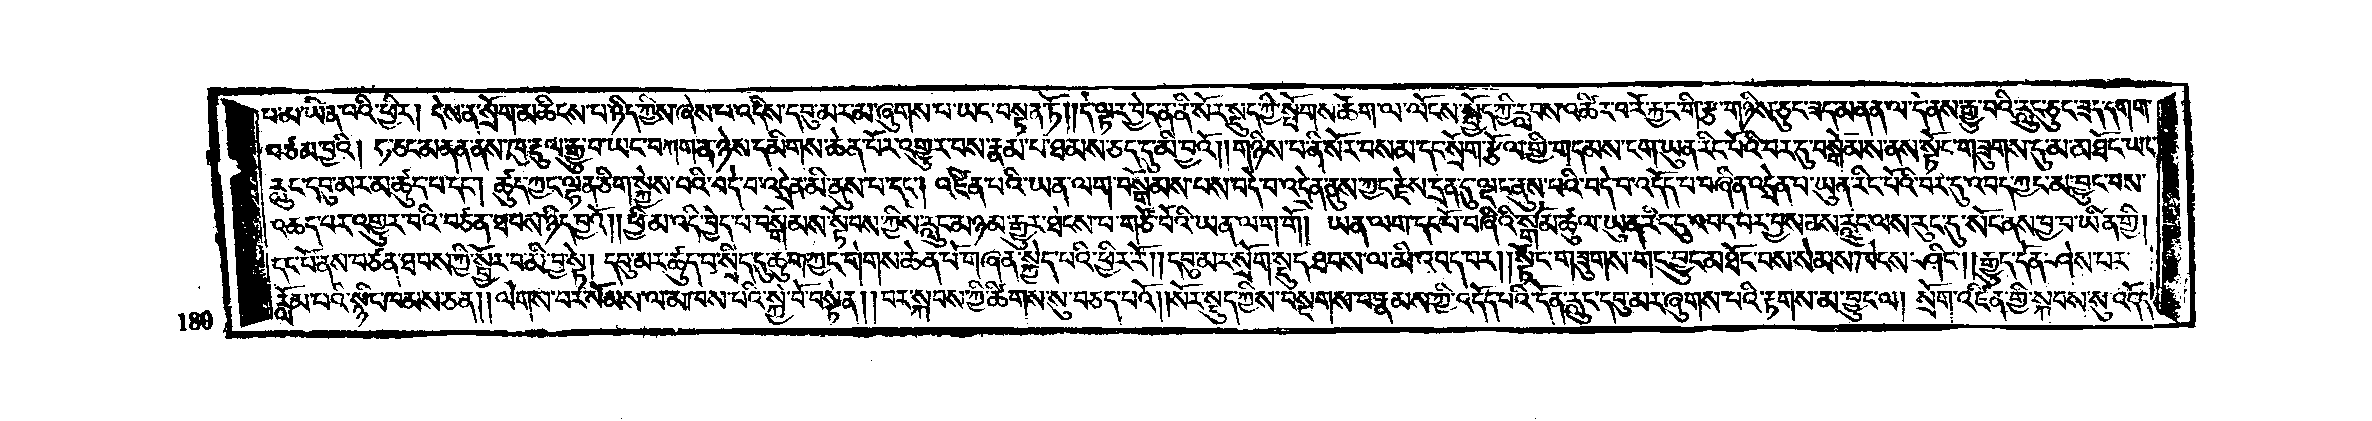པ་མ་ཡིན་པའི་ཕྱིར། དེས་ན་སྲོག་མཆིངས་པ་ཉིད་ཀྱིས་ཞེས་པ་འདིས་དབུ་མར་མ་ཞུགས་པ་ཡང་བསྟན་ཏོ། །དེ་ལྟར་བྱེད་ན་ནི་སོར་སྡུད་ཀྱི་སྤོགས་ཆོག་ལ་ལོངས་སྤྱོད་ཀྱི་རླབས་འཚིར་བ་རོ་རྐྱང་གི་རྩ་གཉིས་ཅུང་ཟད་མནན་ལ་དེ་ནས་རྒྱུ་བའི་རླུང་ཅུང་ཟད་དགག་
པ་ཙམ་བྱའི། །ཧ་ཅང་མནན་ནས་ཁུ་རྡུལ་རྒྱུ་བ་ཡང་བཀག་ན་ཉེས་དམིགས་ཆེན་པོར་འགྱུར་བས་རྣམ་པ་ཐམས་ཅད་དུ་མི་བྱའོ། །གཉིས་པ་ནི་སོར་བསམ་དང་སྲོག་རྩོལ་གྱི་གདམས་ངག་ཡུན་རིང་པོའི་བར་དུ་བསྒོམས་ནས་སྟོང་གཟུགས་དུ་མ་མཐོང་ཡང་
རླུང་དབུ་མར་མ་ཚུད་པ་དང་། ཚུད་ཀྱང་ལྷན་ཅིག་སྐྱེས་པའི་བདེ་བ་འདྲེན་མི་ནུས་པ་དང་། འཛིན་པའི་ཡན་ལག་བསྒོམས་པས་བདེ་བ་འདྲེན་ནུས་ཀྱང་རྗེས་དྲན་དུ་ལྡང་ནུས་པའི་བདེ་བ་འདོད་པ་བཞིན་འདྲེན་པ་ཡུན་རིང་པོའི་བར་དུ་འབད་ཀྱང་མ་བྱུང་བས་
འཆད་པར་འགྱུར་བའི་བཙན་ཐབས་ཉིད་བྱའོ། །ཕྱི་མ་འདི་བྱེད་པ་བསྒོམས་སྟོབས་ཀྱིས་རླུང་མཉམ་རྒྱུར་ཐེངས་པ་གཙོ་བོའི་ཡན་ལག་གོ །ཡན་ལག་དང་པོ་བཞིའི་སྒོམ་ཚུལ་ཡུན་རིང་དུ་འབད་པར་བྱས་ནས་རླུང་ལས་རུང་དུ་སོང་ནས་བྱ་བ་ཡིན་གྱི།
དང་པོ་ནས་བཙན་ཐབས་ཀྱི་སྦྱོར་བ་མི་བྱ་སྟེ། དབུ་མར་ཚུད་པ་སྲིད་དུ་ཆུག་ཀྱང་གེགས་ཆེན་པོ་གཞན་སྐྱེད་པའི་ཕྱིར་རོ། །དབུ་མར་སྲོག་སྡུད་ཐབས་ལ་མི་འབད་པར། །སྟོང་གཟུགས་གང་བྱུང་མཐོང་བས་སེམས་ཁེངས་ཤིང་། །རྒྱུད་དོན་ཤེས་པར་
རློམ་པའི་སྙིང་ཁམས་ཅན། །ལེགས་པར་སོམས་ལ་མཁས་པའི་སྐྱེ་བོ་བསྟེན། །བར་སྐབས་ཀྱི་ཚིགས་སུ་བཅད་པའོ། །སོར་སྡུད་ཀྱིས་བསྔགས་པ་རྣམས་ཀྱི་འདོད་པའི་དོན་རླུང་དབུ་མར་ཞུགས་པའི་རྟགས་མ་བྱུང་ལ། སྲོག་འཛིན་གྱི་སྐབས་སུ་འདོད་